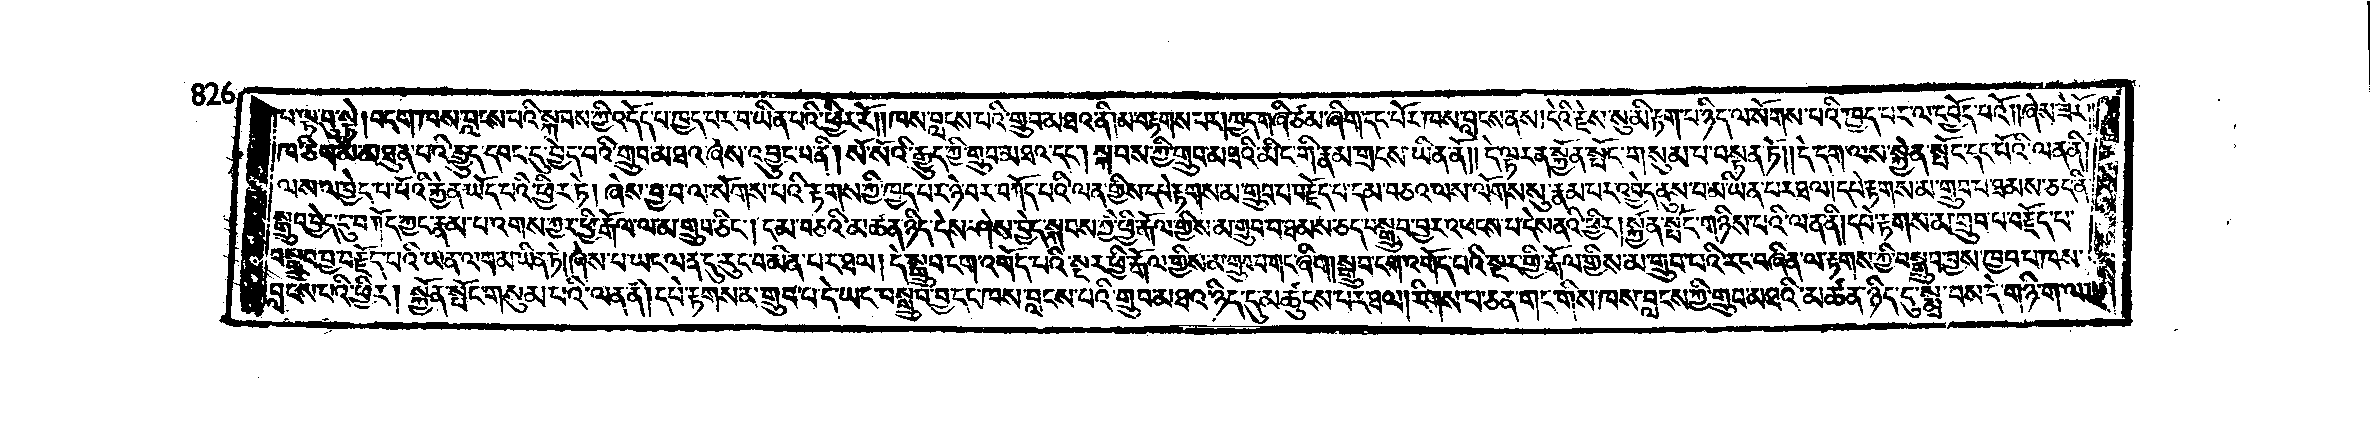པ་ལྟ་བུ་སྟེ། བདག་ཁས་བླངས་པའི་སྐབས་ཀྱི་འདོད་པ་ཁྱད་པར་བ་ཡིན་པའི་ཕྱིར་རོ། །ཁས་བླངས་པའི་གྲུབ་མཐའ་ནི། མ་བརྟགས་པར། ཁྱད་གཞི་ཙམ་ཞིག་དང་པོར་ཁས་བླངས་ནས། དེའི་རྗེས་སུ་མི་རྟག་པ་ཉིད་ལ་སོགས་པའི་ཁྱད་པར་ལ་དཔྱོད་པའོ། །ཞེས་ཟེར་རོ།
ཁ་ཅིག་མི་མཐུན་པའི་རྒྱུད་དབང་དུ་བྱེད་པའི་གྲུབ་མཐའ་ཞེས་འབྱུང་བ་ནི། སོ་སོའི་རྒྱུད་ཀྱི་གྲུབ་མཐའ་དང་། སྐབས་ཀྱི་གྲུབ་མཐའི་མིང་གི་རྣམ་གྲངས་ཡིན་ནོ། །དེ་ལྟར་ན་སྐྱོན་སྤོང་གསུམ་པ་བསྟན་ཏོ། །དེ་དག་ལས་སྐྱོན་སྤོང་དང་པོའི་ལན་ནི།
ལས་ལ་བྱེད་པ་པོའི་རྐྱེན་ཡོད་པའི་ཕྱིར་ཏེ། ཞེས་བྱ་བ་ལ་སོགས་པའི་རྟགས་ཀྱི་ཁྱད་པར་ཉེ་བར་བཀོད་པའི་ལན་གྱིས་དཔེ་རྟགས་མ་གྲུབ་པ་བརྗོད་པ་དམ་བཅའ་ལས་ལོགས་སུ་རྣམ་པར་འབྱེད་ནུས་པ་མ་ཡིན་པར་ཐལ། དཔེ་རྟགས་མ་གྲུབ་པ་ཐམས་ཅད་ནི་
སྒྲུབ་བྱེད་དུ་བཀོད་ཀྱང་རྣམ་པ་འགས་ཀྱང་ཕྱི་རྒོལ་ལ་མ་གྲུབ་ཅིང་། དམ་བཅའི་མཚན་ཉིད་དེས་ཤེས་བྱེད་སྐབས་ཀྱི་ཕྱི་རྒོལ་གྱིས་མ་གྲུབ་པ་ཐམས་ཅད་བསྒྲུབ་བྱར་འཕངས་པ་དེས་ནའི་ཕྱིར། སྐྱོན་སྤོང་གཉིས་པའི་ལན་ནི། དཔེ་རྟགས་མ་གྲུབ་པ་བརྗོད་པ་
བསྒྲུབ་བྱ་བརྗོད་པའི་ཡན་ལག་མ་ཡིན་ཏེ། ཞེས་པ་ཡང་ལན་དུ་རུང་བ་མིན་པར་ཐལ། དེ་སྒྲུབ་ངག་འགོད་པའི་སྔར་ཕྱི་རྒོལ་གྱིས་མ་གྲུབ་པ་གང་ཞིག། སྒྲུབ་ངག་འགོད་པའི་སྔར་གྱི་རྒོལ་གྱིས་མ་གྲུབ་པའི་རང་བཞིན་ལ་རྟགས་ཀྱི་བསྒྲུབ་བྱས་ཁྱབ་པ་ཁས་
བླངས་པའི་ཕྱིར། སྐྱོན་སྤོང་གསུམ་པའི་ལན་ནི། དཔེ་རྟགས་མ་གྲུབ་པ་དེ་ཡང་བསྒྲུབ་བྱ་དང་ཁས་བླངས་པའི་གྲུབ་མཐའ་ཉིད་དུ་མཚུངས་པར་ཐལ། རིགས་པ་ཅན་གང་གིས་ཁས་བླངས་ཀྱི་གྲུབ་མཐའི་མཚན་ཉིད་དུ་སྨྲ་བས་དེ་གཉི་ག་ལ།